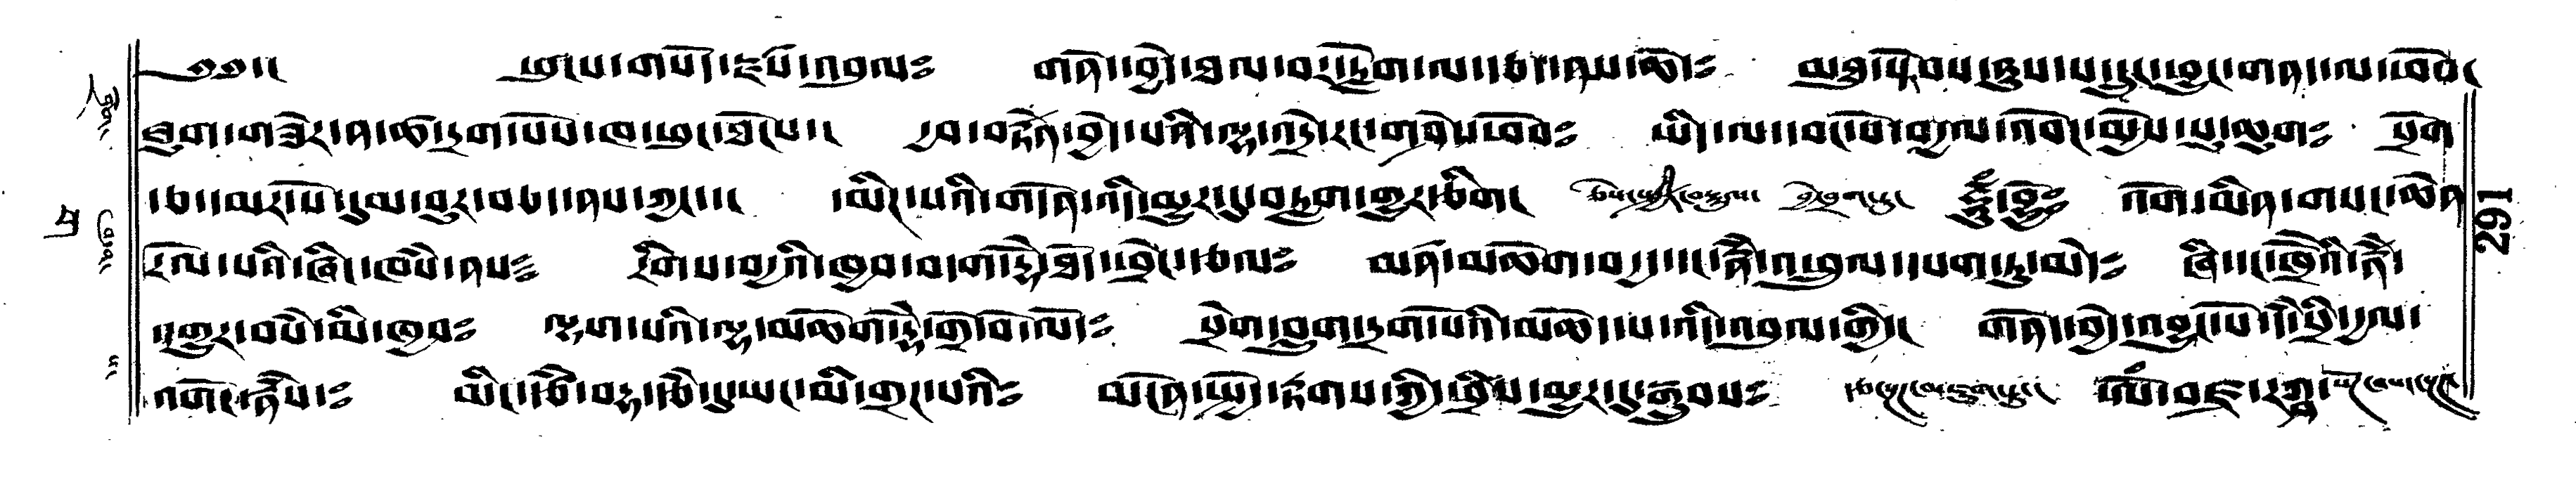ཡུངས་གསོད་རྫས་འབུལ༔ གནོད་བྱེད་ཐལ་བར་རློག་ལ་རྩད་ནས་ཆོད༔ མཐུ་སྟོབས་ནུས་པ་དྲུང་ཕྱུང་གནད་ལ་ཕོབ༔ 
ཟུག་གཟེར་ན་ཚ་དྲག་པོས་ཁ་ཕུང་ཐོངས༔ རྒྱབ་བརྟེན་བྱེད་པའི་ལྷ་འདྲེ་རང་གཤེད་ཕོབ༔ ཡིད་དང་དབང་པོ་རྒྱལ་འབོགས་མྱོས་སུ་ཆུག༔ སྲོག་
རྩ་དམར་པོ་དུམ་བུར་བཅད་ནས་ཀྱང་༔ དམིགས་པའི་གདོན་འདི་མྱུར་དུ་བརླག་གྱུར་ཅིག༔ ཅེས་སྤྱིར་བསྐུལ། བྱེ་བྲག་ཏུ། ཧཱུྂ་བྷྱོཿ འོག་མིན་གསང་ཆེན་
རོལ་པའི་ཞིང་ཁམས་ནས༔ རིགས་བརྒྱའི་ཁྱབ་བདག་རྡོ་རྗེ་ཐོད་ཕྲེང་རྩལ༔ མཚན་མཆོག་བརྒྱད་དང་རྣམ་འཕྲུལ་དཔག་ཏུ་མེད༔ ཞི་དང་ཁྲོ་བོའི་རྣམ་
འགྱུར་བསམ་མི་ཁྱབ༔ ལྷག་པའི་ལྷ་མཆོག་རྡོ་རྗེ་གྲོ་བོ་ལོད༔ སྲེག་བླུག་དྲག་པོའི་མཆོད་པ་འདི་འབུལ་གྱི༔ གནོད་བྱེད་འབྱུང་པོ་དམ་སྲི་རྒྱལ་
འགོང་རྣམས༔ མིང་ཙམ་བརྡ་ཙམ་དུ་ཡང་མི་གྲགས་པའི༔མངོན་སྤྱོད་རྟགས་ཀྱི་ཕྲིན་ལས་མྱུར་དུ་སྒྲུབས༔ རྩ་སྔགས་མཇུག་ཏུ། ཨོཾ་བཛྲ་རཀྴ་སོགས་བསད་སྔགས་